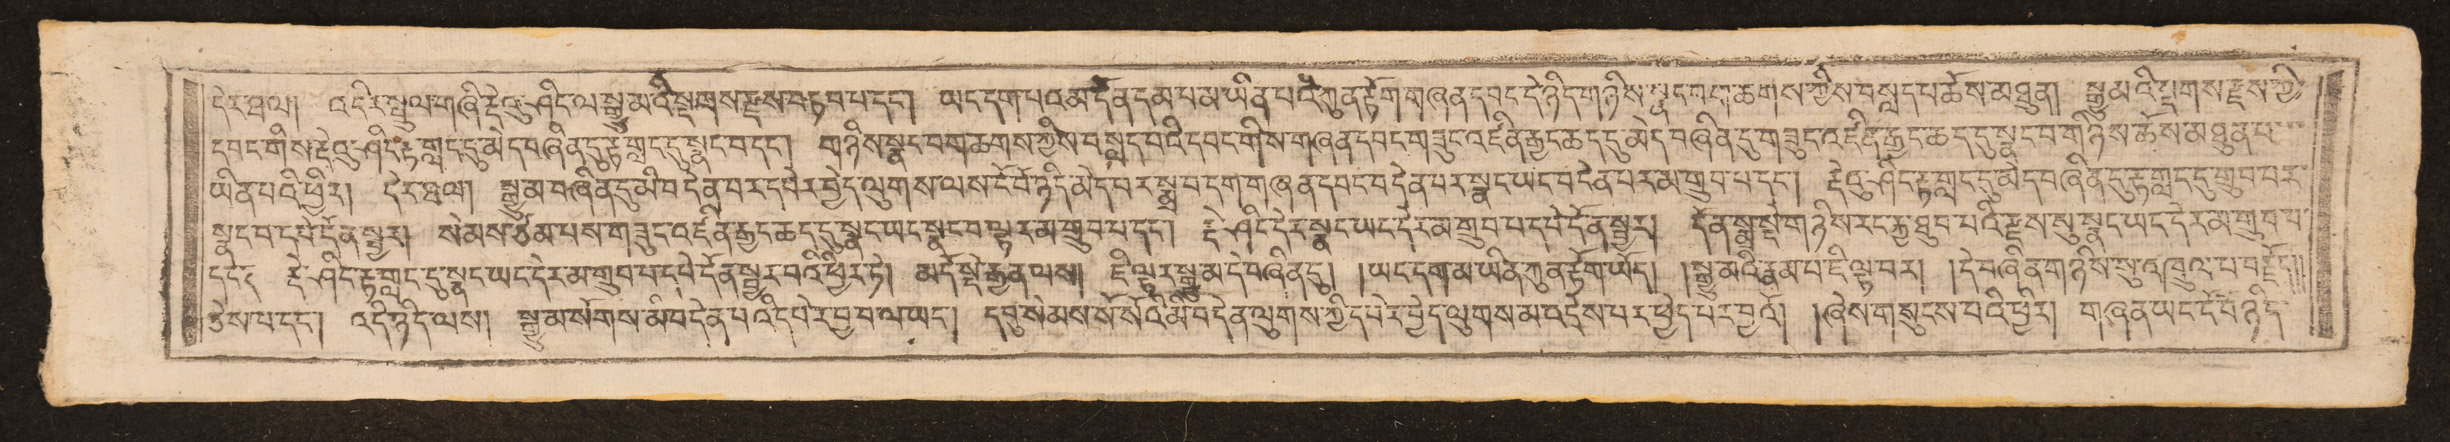དེར་ཐལ། འདིར་སྤྲུལ་གཞི་རྡེའུ་ཤིང་ལ་སྒྱུ་མའི་སྔགས་རྫས་བཏབ་པ་དང་། ཡང་དག་པའམ་དོན་དམ་པ་མ་ཡིན་པའི་ཀུན་རྟོག་གཞན་དབང་དེ་ཉིད་གཉིས་སྣང་བག་ཆགས་ཀྱིས་བསླད་པ་ཆོས་མཐུན། སྒྱུ་མའི་སྔགས་རྫས་ཀྱི་
དབང་གིས་རྡེའུ་ཤིང་རྟ་གླང་དུ་མེད་བཞིན་དུ་རྟ་གླང་དུ་སྣང་བ་དང་། གཉིས་སྣང་བག་ཆགས་ཀྱིས་བསླད་པའི་དབང་གིས་གཞན་དབང་གཟུང་འཛིན་རྒྱང་ཆད་དུ་མེད་བཞིན་དུ་གཟུང་འཛིན་རྒྱང་ཆད་དུ་སྣང་བ་གཉིས་ཆོས་མཐུན་པ་
ཡིན་པའི་ཕྱིར། དེར་ཐལ། སྒྱུ་མ་བཞིན་དུ་མི་བདེན་པར་དཔེར་བྱེད་ལུགས་ལས་ངོ་བོ་ཉིད་མེད་པར་སྨྲ་བ་དག་གཞན་དབང་བདེན་པར་སྣང་ཡང་བདེན་པར་མ་གྲུབ་པ་དང་། རྡེའུ་ཤིང་རྟ་གླང་དུ་མེད་བཞིན་དུ་རྟ་གླང་དུ་གྲུབ་པར་
སྣང་བ་དཔེ་དོན་སྦྱར། སེམས་ཙམ་པས་གཟུང་འཛིན་རྒྱང་ཆད་དུ་སྣང་ཡང་སྣང་བ་ལྟར་མ་གྲུབ་པ་དང་། རྡེ་ཤིང་དེར་སྣང་ཡང་དེར་མ་གྲུབ་པ་དཔེ་དོན་སྦྱར། དོན་སྨྲ་སྡེ་གཉིས་རང་རྐྱ་ཐུབ་པའི་རྫས་སུ་སྣང་ཡང་དེར་མ་གྲུབ་བ་
དང༑ རྡེ་ཤིང་རྟ་གླང་དུ་སྣང་ཡང་དེར་མ་གྲུབ་པ་དཔེ་དོན་སྦྱར་བའི་ཕྱིར་ཏེ། མདོ་སྡེ་རྒྱན་ལས། ཇི་ལྟར་སྒྱུ་མ་དེ་བཞིན་དུ། །ཡང་དག་མ་ཡིན་ཀུན་རྟོག་ཡོད། །སྒྱུ་མའི་རྣམ་པ་ཇི་ལྟ་བར། །དེ་བཞིན་གཉིས་སུ་འཁྲུལ་པ་བརྗོད།།
ཅེས་པ་དང་། འདི་ཉིད་ལས། སྒྱུ་མ་སོགས་མི་བདེན་པའི་དཔེར་བྱ་བ་ལ་ཡང་། དབུ་སེམས་སོ་སོའི་མི་བདེན་ལུགས་ཀྱི་དཔེར་བྱེད་ལུགས་མ་འདྲེས་པར་ཕྱེད་པར་བྱའོ། །ཞེས་གསུངས་པའི་ཕྱིར། གཞན་ཡང་ངོ་བོ་ཉིད་